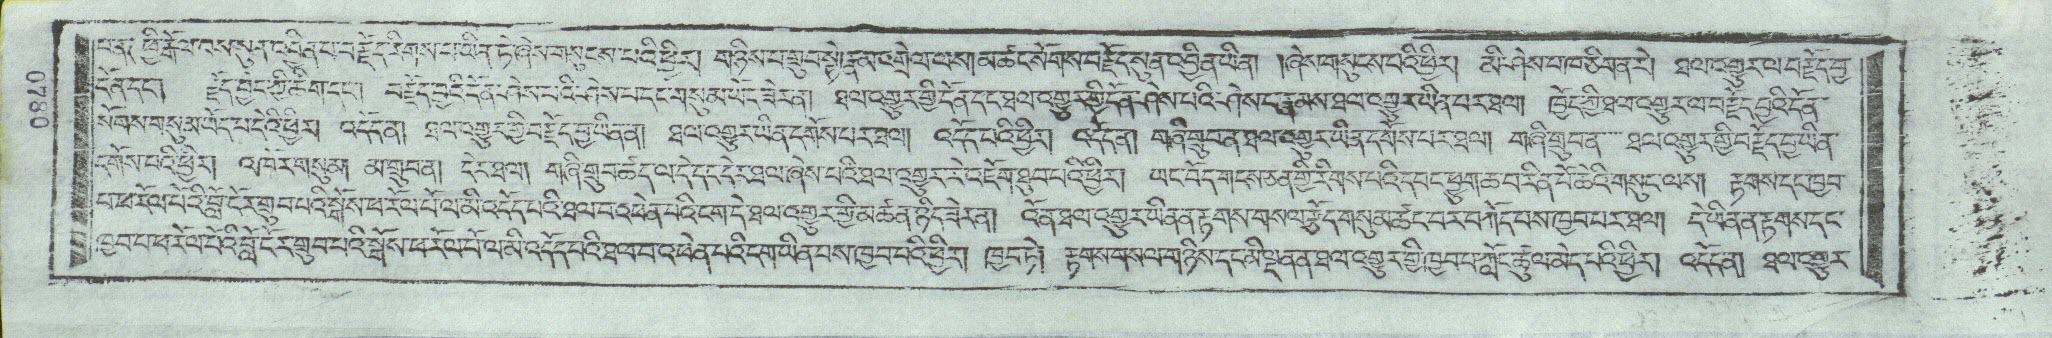པ་ན༑ ཕྱི་རྒོལ་བས་སུན་འབྱིན་པ་བརྗོད་རིགས་པ་ཡིན་ཏེ་ཞེས་གསུངས་པའི་ཕྱིར། གཉིས་པ་གྲུབ་སྟེ། རྣམ་འགྲེལ་ལས། མ་ཚང་སོགས་བརྗོད་སུན་འབྱིན་ཡིན། །ཞེས་གསུངས་པའི་ཕྱིར། མི་ཤེས་པ་ཁ་ཅིག་ན་རེ། ཐལ་འགྱུར་ལ་བརྗོད་བྱ་
དོན་དང་། རྗོད་བྱེད་ཀྱི་ཚིག་དང་། བརྗོད་བྱའི་དོན་ཤེས་པའི་ཤེས་པ་དང་གསུམ་ཡོད་ཟེར་ན། ཐལ་འགྱུར་གྱི་དོན་དང་ཐལ་འགྱུར་གྱི་དོན་ཤེས་པའི་ཤེས་པ་རྣམས་ཐལ་འགྱུར་ཡིན་པར་ཐལ། ཁྱོད་ཀྱི་ཐལ་འགྱུར་ལ་བརྗོད་བྱའི་དོན་
སོགས་གསུམ་ཡོད་པ་དེའི་ཕྱིར། འདོད་ན། ཐལ་འགྱུར་གྱི་བརྗོད་བྱ་ཡིན་ན། ཐལ་འགྱུར་ཡིན་དགོས་པར་ཐལ། འདོད་པའི་ཕྱིར། འདོད་ན། གཞི་གྲུབ་ན་ཐལ་འགྱུར་ཡིན་དགོས་པར་ཐལ། གཞི་གྲུབ་ན་ཐལ་འགྱུར་གྱི་བརྗོད་བྱ་ཡིན་
དགོས་བའི་ཕྱིར། འཁོར་གསུམ། མ་གྲུབ་ན། དེར་ཐལ། གཞི་གྲུབ་ཚད་ལ་དེ་དང་དེར་ཐལ་ཞེས་པའི་ཐལ་འགྱུར་རེ་འཇོག་ཐུབ་པའི་ཕྱིར། ཡང་བོད་གངས་ཅན་གྱི་རིགས་པའི་དབང་ཕྱུག་ཆ་བ་རིན་པོ་ཆེའི་གསུང་ལས། རྟགས་དང་ཁྱབ་
པ་ཕ་རོལ་པོའི་བློ་ངོར་གྲུབ་པའི་སྒོས་ཕ་རོལ་པོ་ལ་མི་འདོད་པའི་ཐལ་བ་འཕེན་པའི་ངག་དེ་ཐལ་འགྱུར་གྱི་མཚན་ཉིད་ཟེར་ན། འོ་ན་ཐལ་འགྱུར་ཡིན་ན་རྟགས་གསལ་རྩོད་གསུམ་ཚང་བར་བཀོད་པས་ཁྱབ་པར་ཐལ། དི་ཡིན་ན་རྟགས་དང་
ཁྱབ་པ་ཕ་རོལ་པོའི་བློ་ངོར་གྲུབ་པའི་སྒོས་ཕ་རོལ་པོ་ལ་མི་འདོད་པའི་ཐལ་བ་འཕེན་པའི་ངག་ཡིན་པས་ཁྱབ་པའི་ཕྱིར། ཁྱབ་ཏེ། རྟགས་གསལ་གཉིས་དང་མི་ལྡན་ན་ཐལ་འགྱུར་གྱི་ཁྱབ་པ་ཀློང་ཚུལ་མེད་པའི་ཕྱིར། འདོད་ན། ཐལ་འགྱུར་